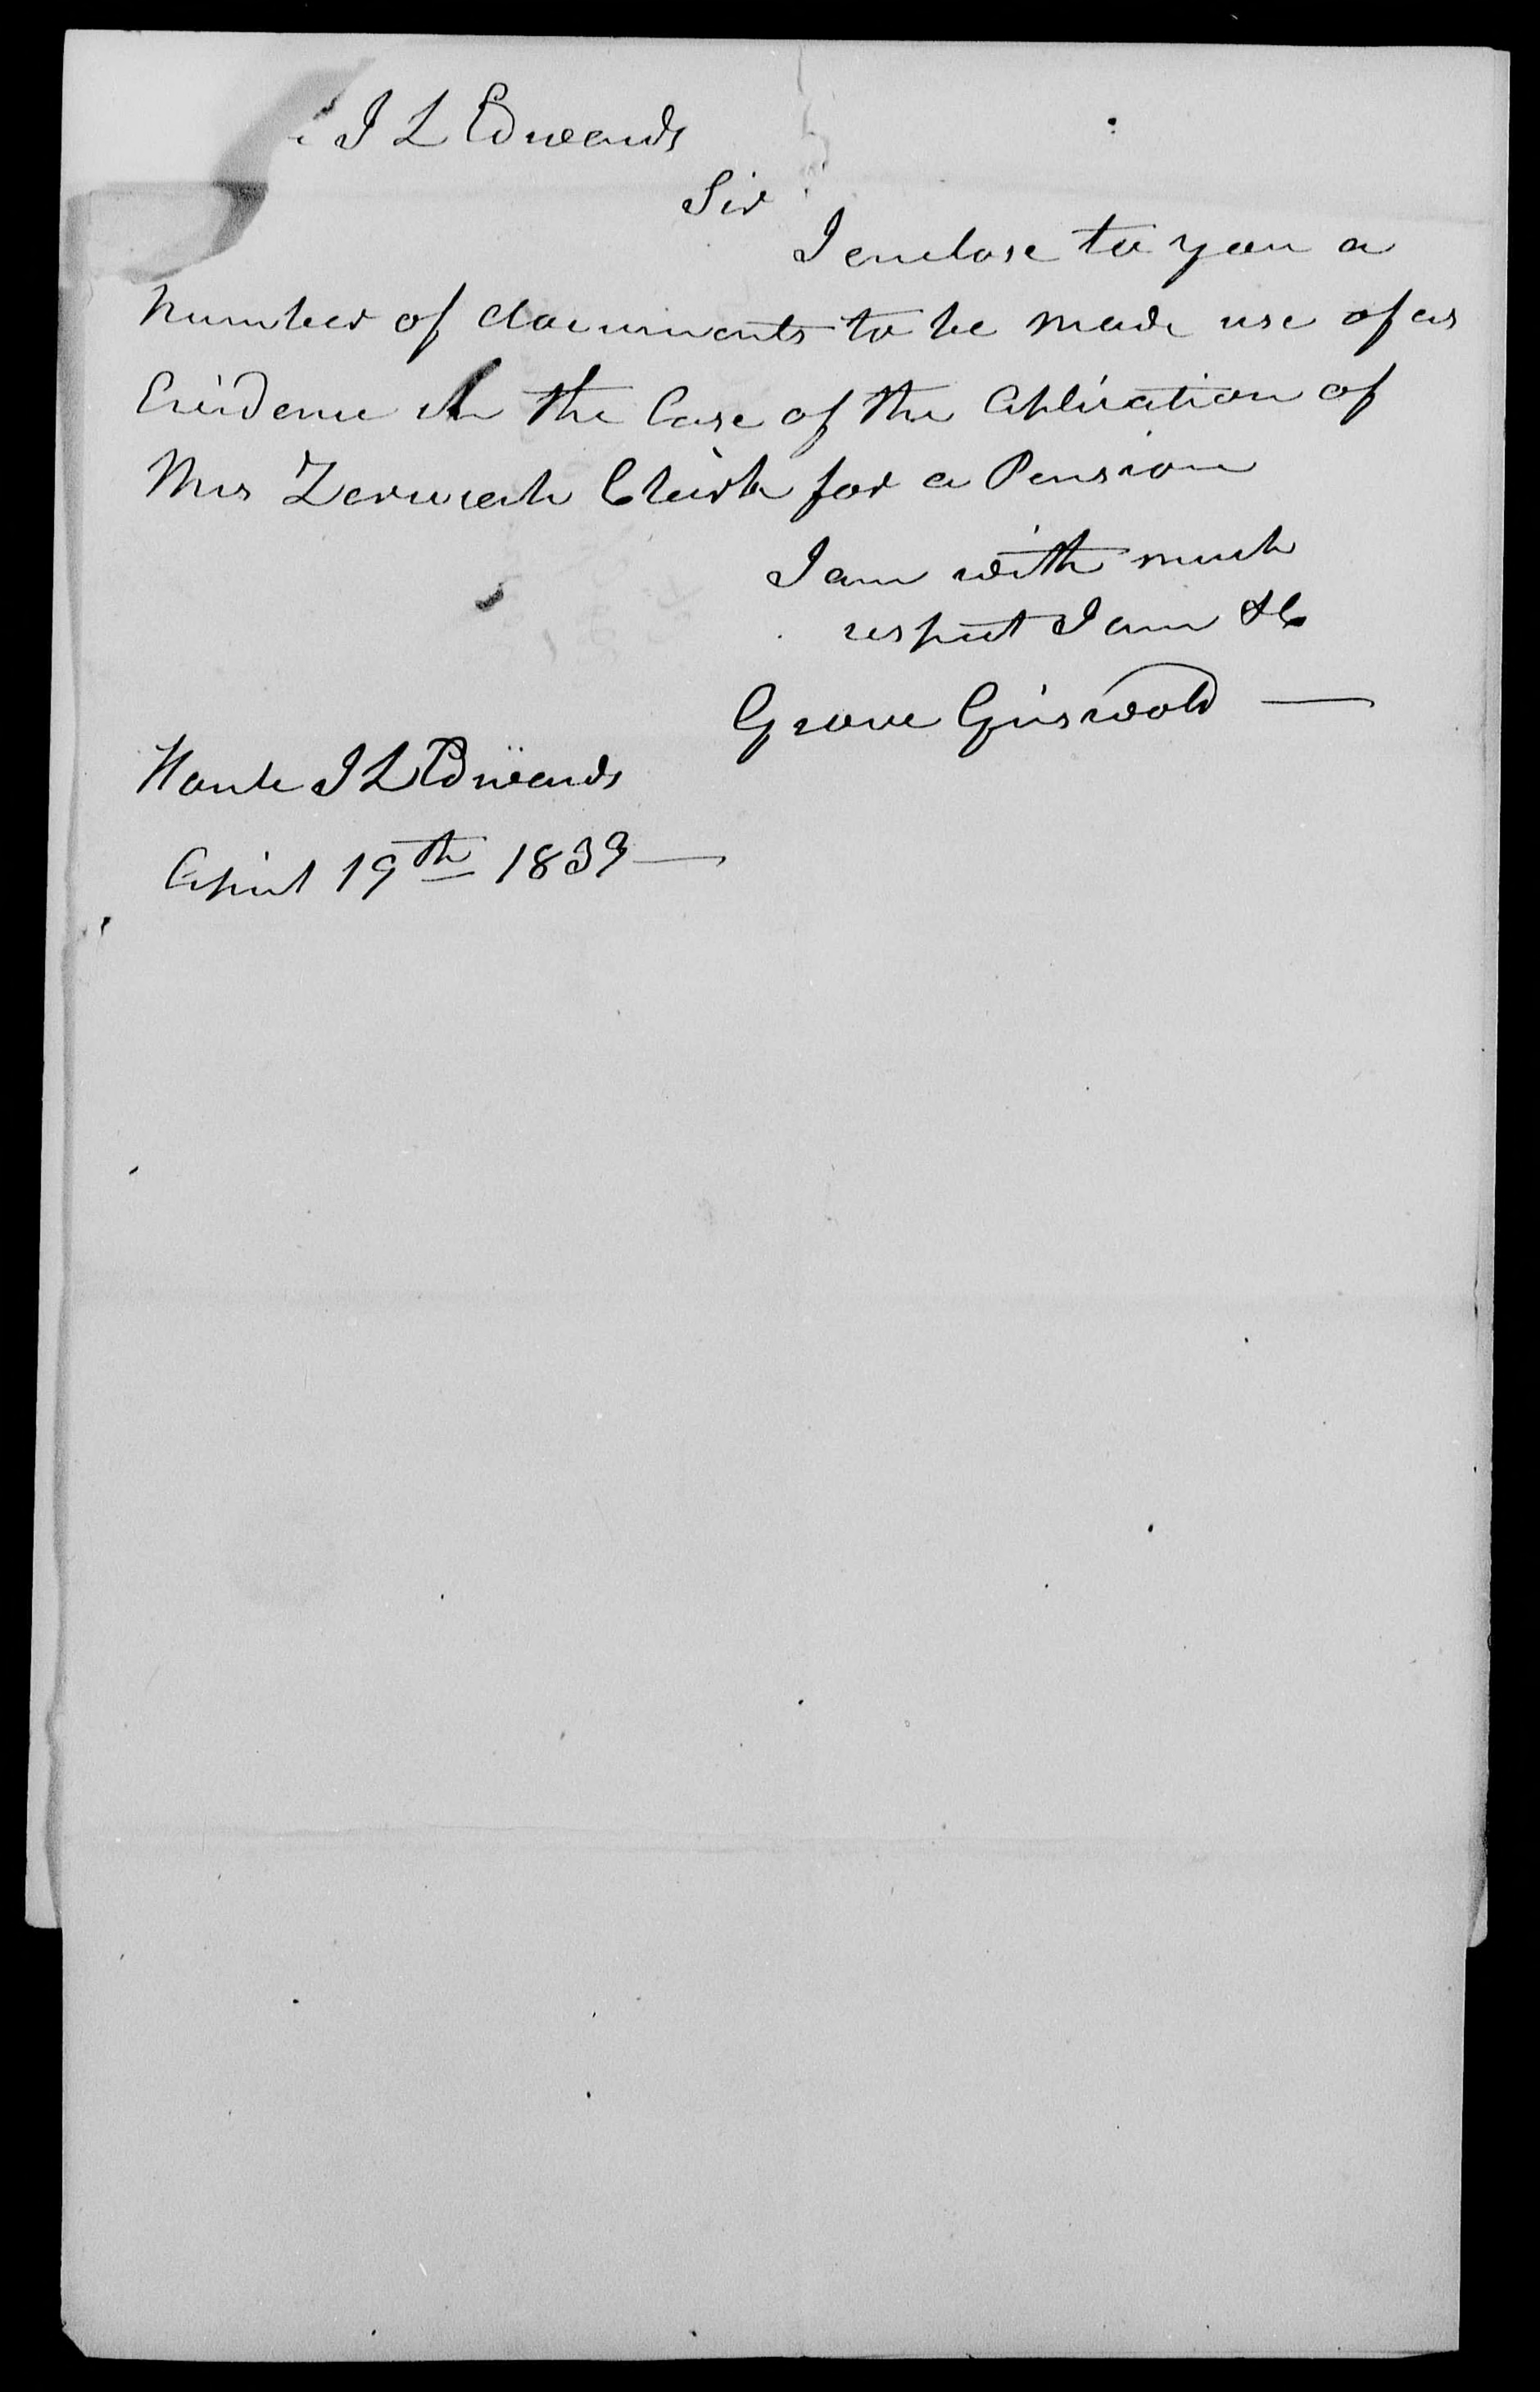[handwritten]	
J L Edwards
Sir
I enclose to you a Number of documents to be made use of as Evidence in the Cast of the application of Mrs. Zeruiah Clark for a Pension
I am with much respect  I am [illegible]
[signed] Grove Griswold –
Hon J L Edwards
April 19th 1839 -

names: J L Edwards, J L Edwards, Zeruiah Clark, Grove Griswold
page: 9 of 26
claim: widow's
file: W. 14483, Reuben Clark, Conn.